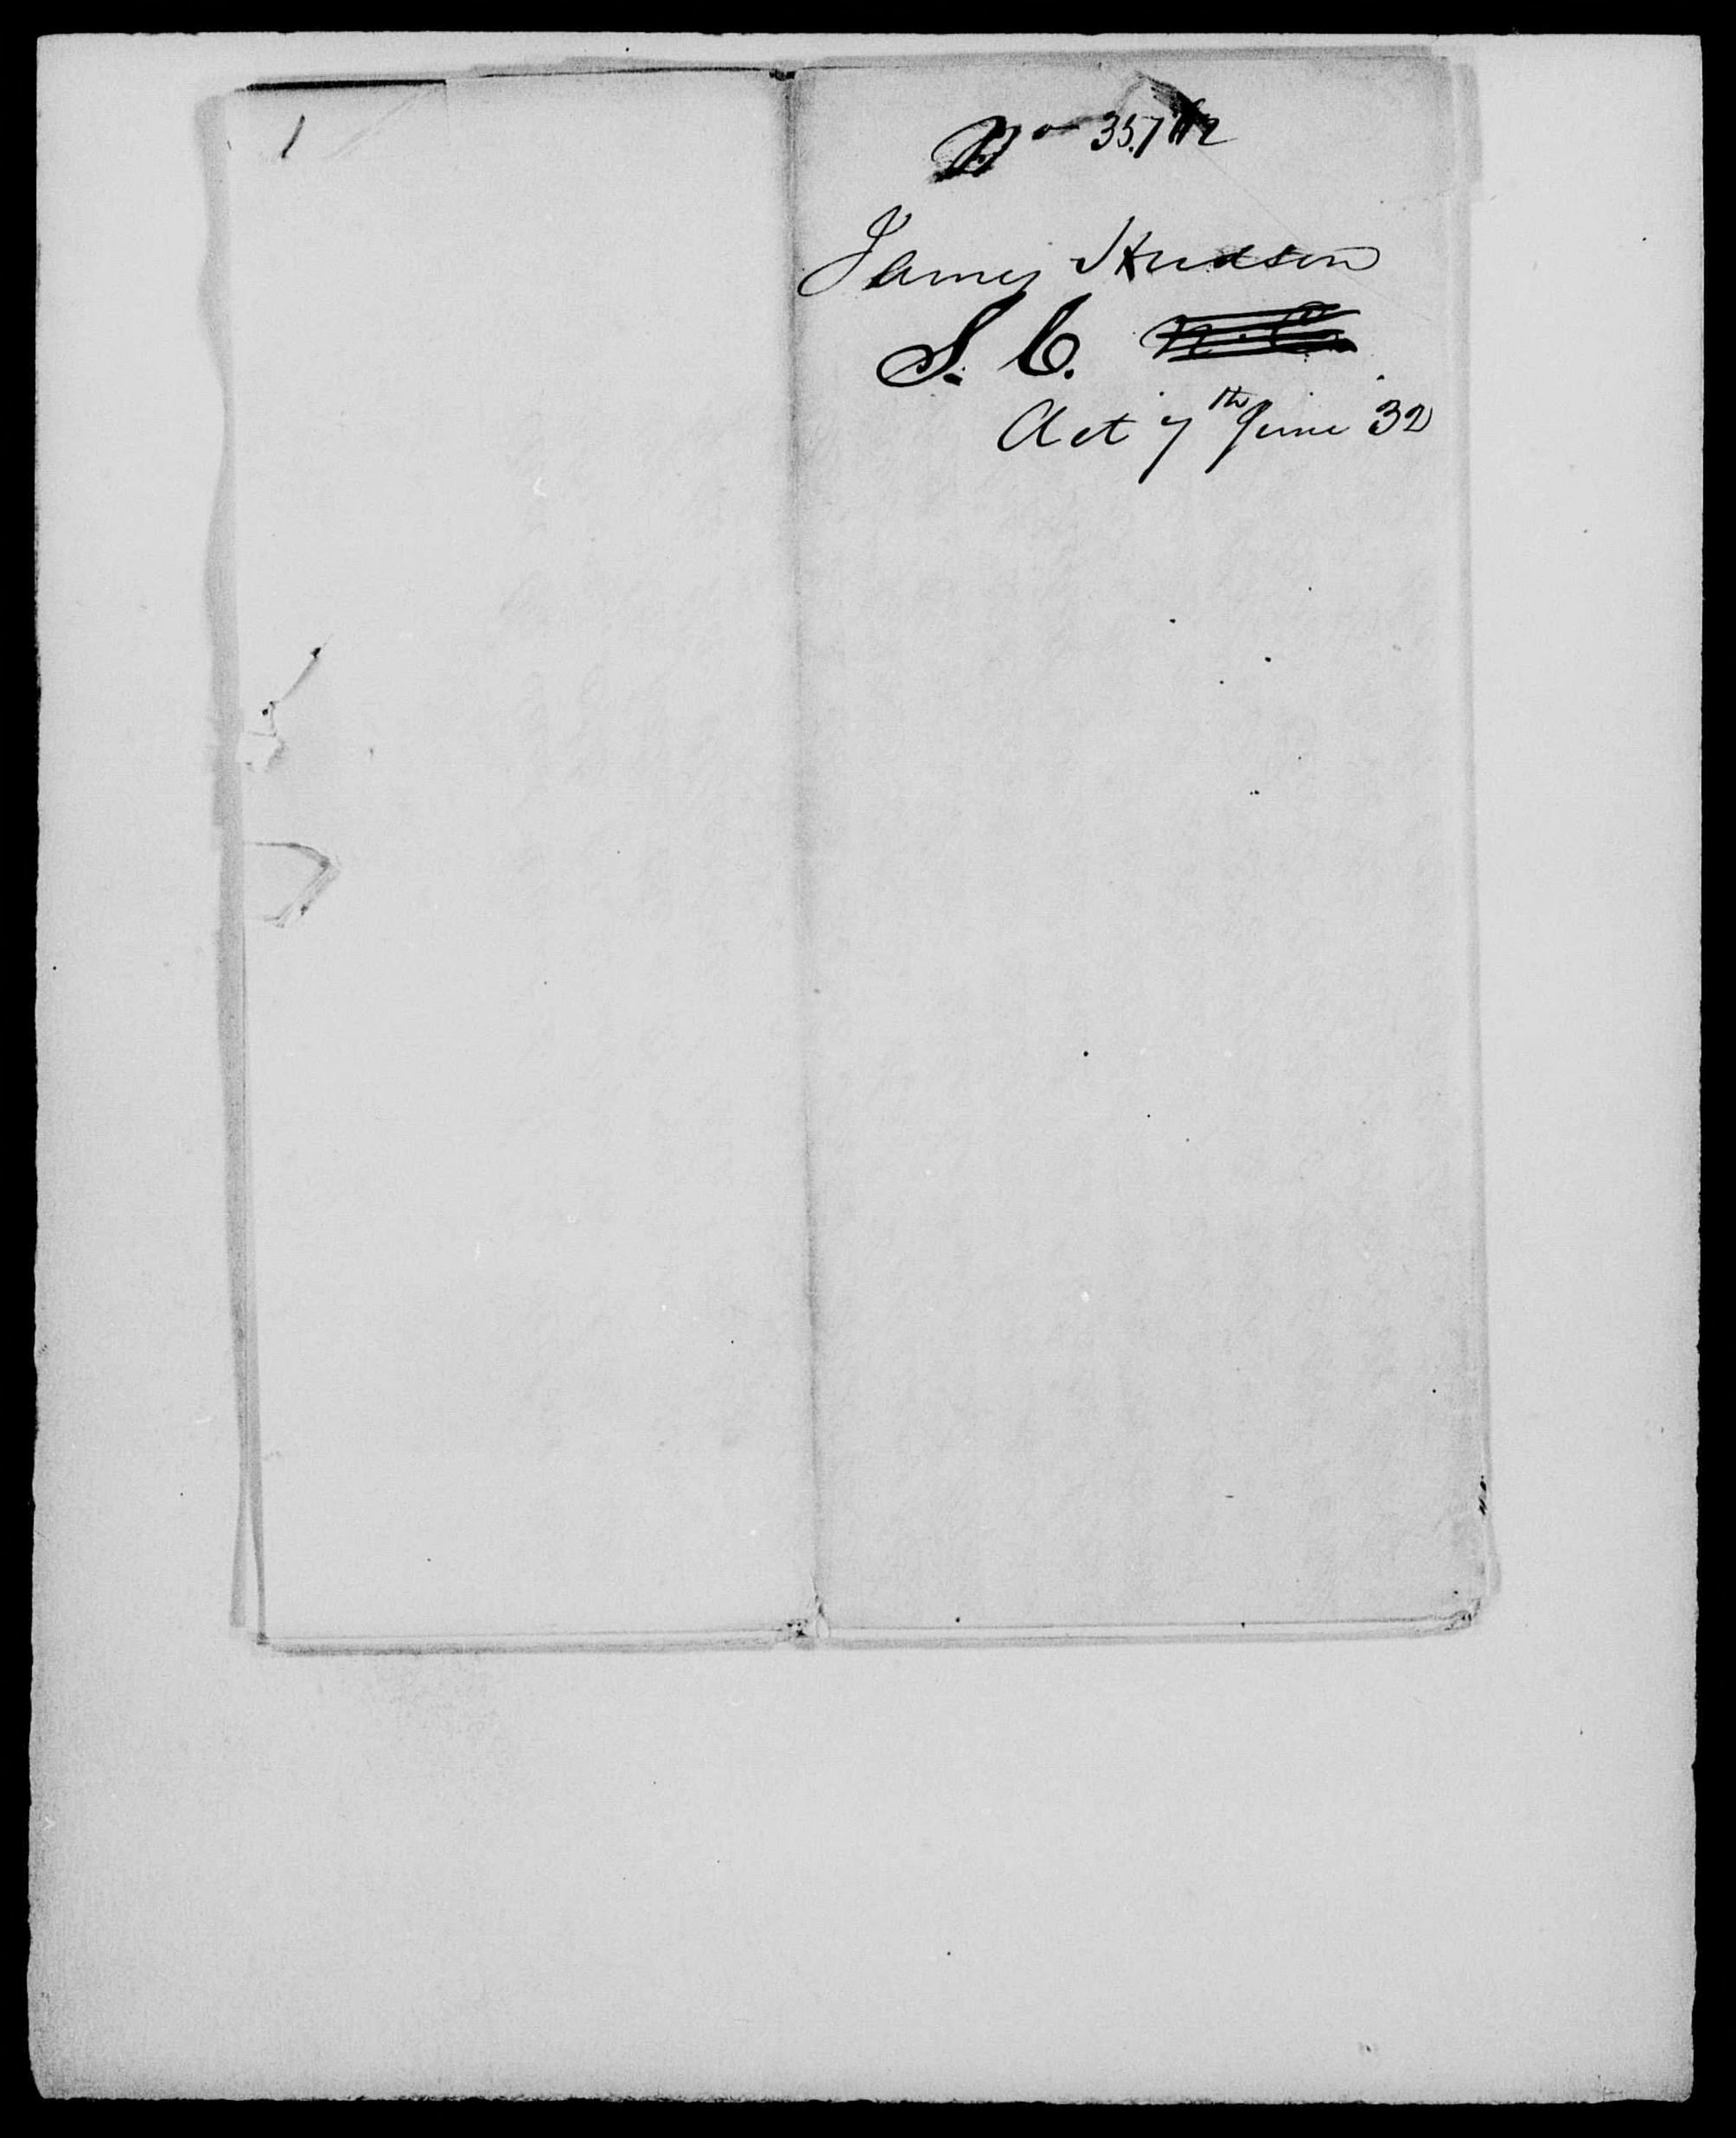N. 357 (indefinable two numbers due to ink smudge making it unreadable, possible error in writing)

James Houdson
S. 6 (illegible scratched out series of numbers follows next to this)
Next 7th June 32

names: James Hudson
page: 11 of 33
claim: rejected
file: R. 5334, James Hudson, N.C.